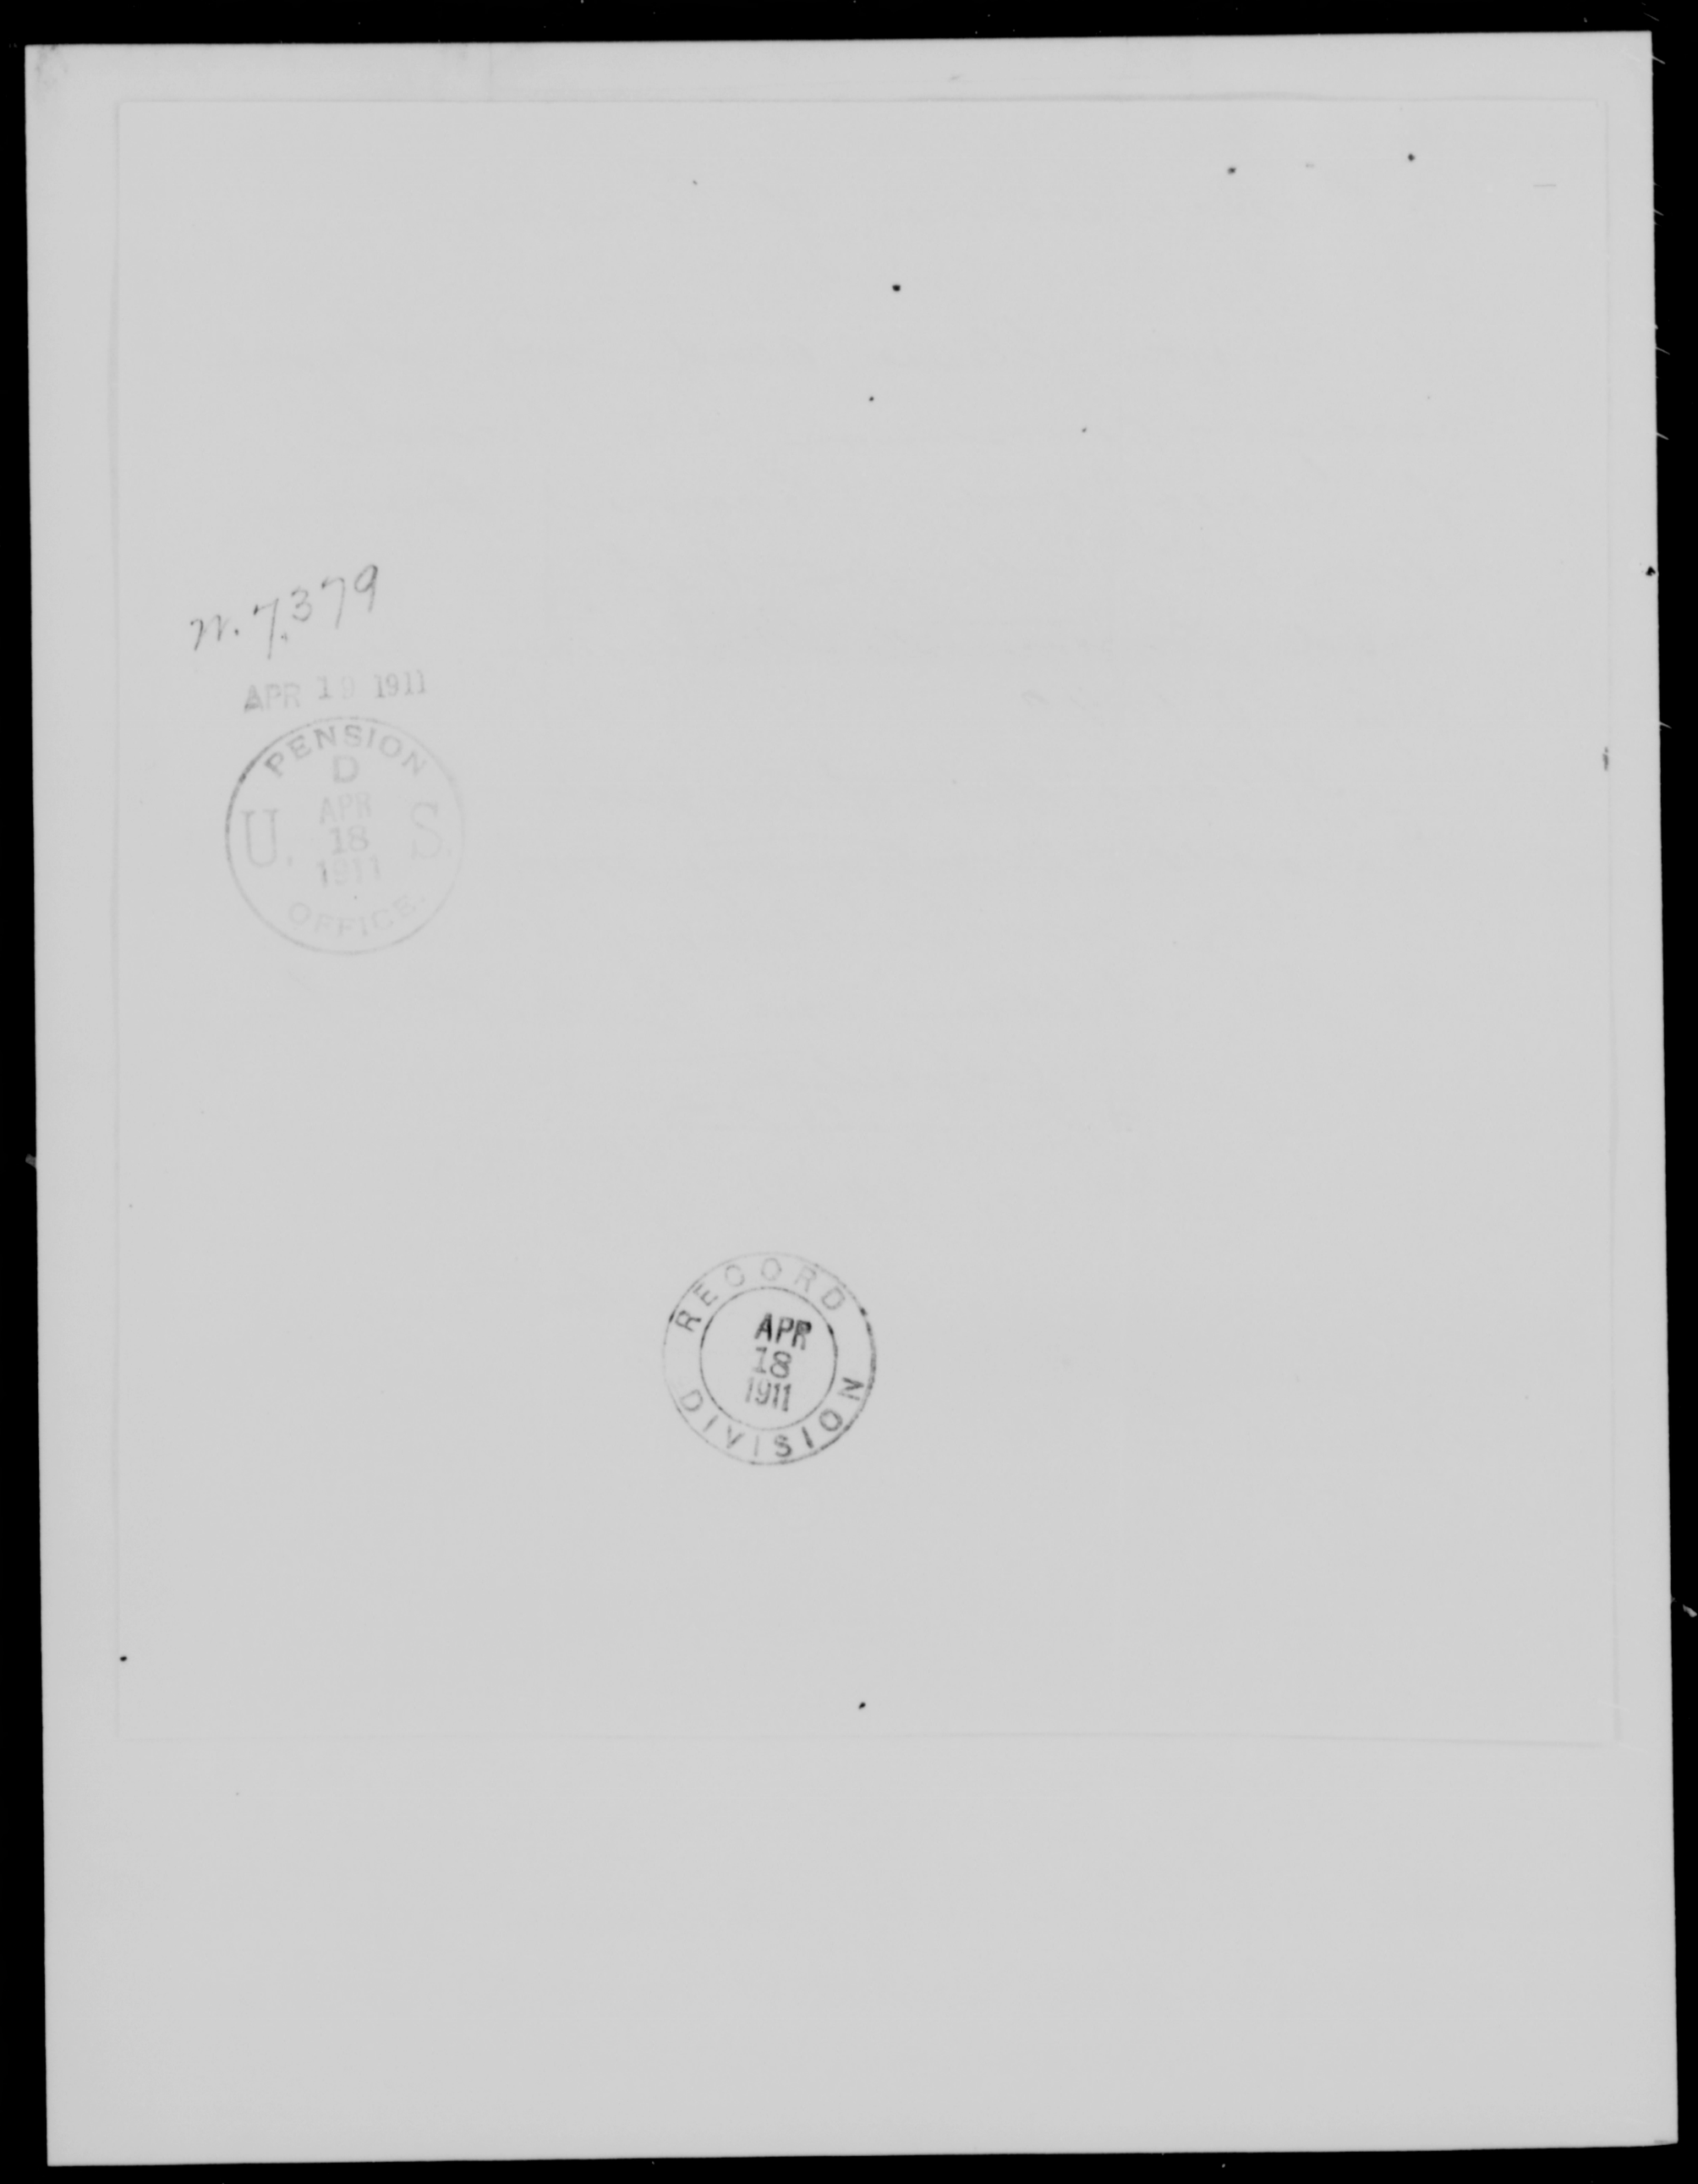2.7.379
APR 19 1911
U.S. PENSION OFFICE
APR 18 1911

RECORD DIVISION
APR
18
1911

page: 40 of 67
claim: widow's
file: W. 7379, George Young, New Jersey